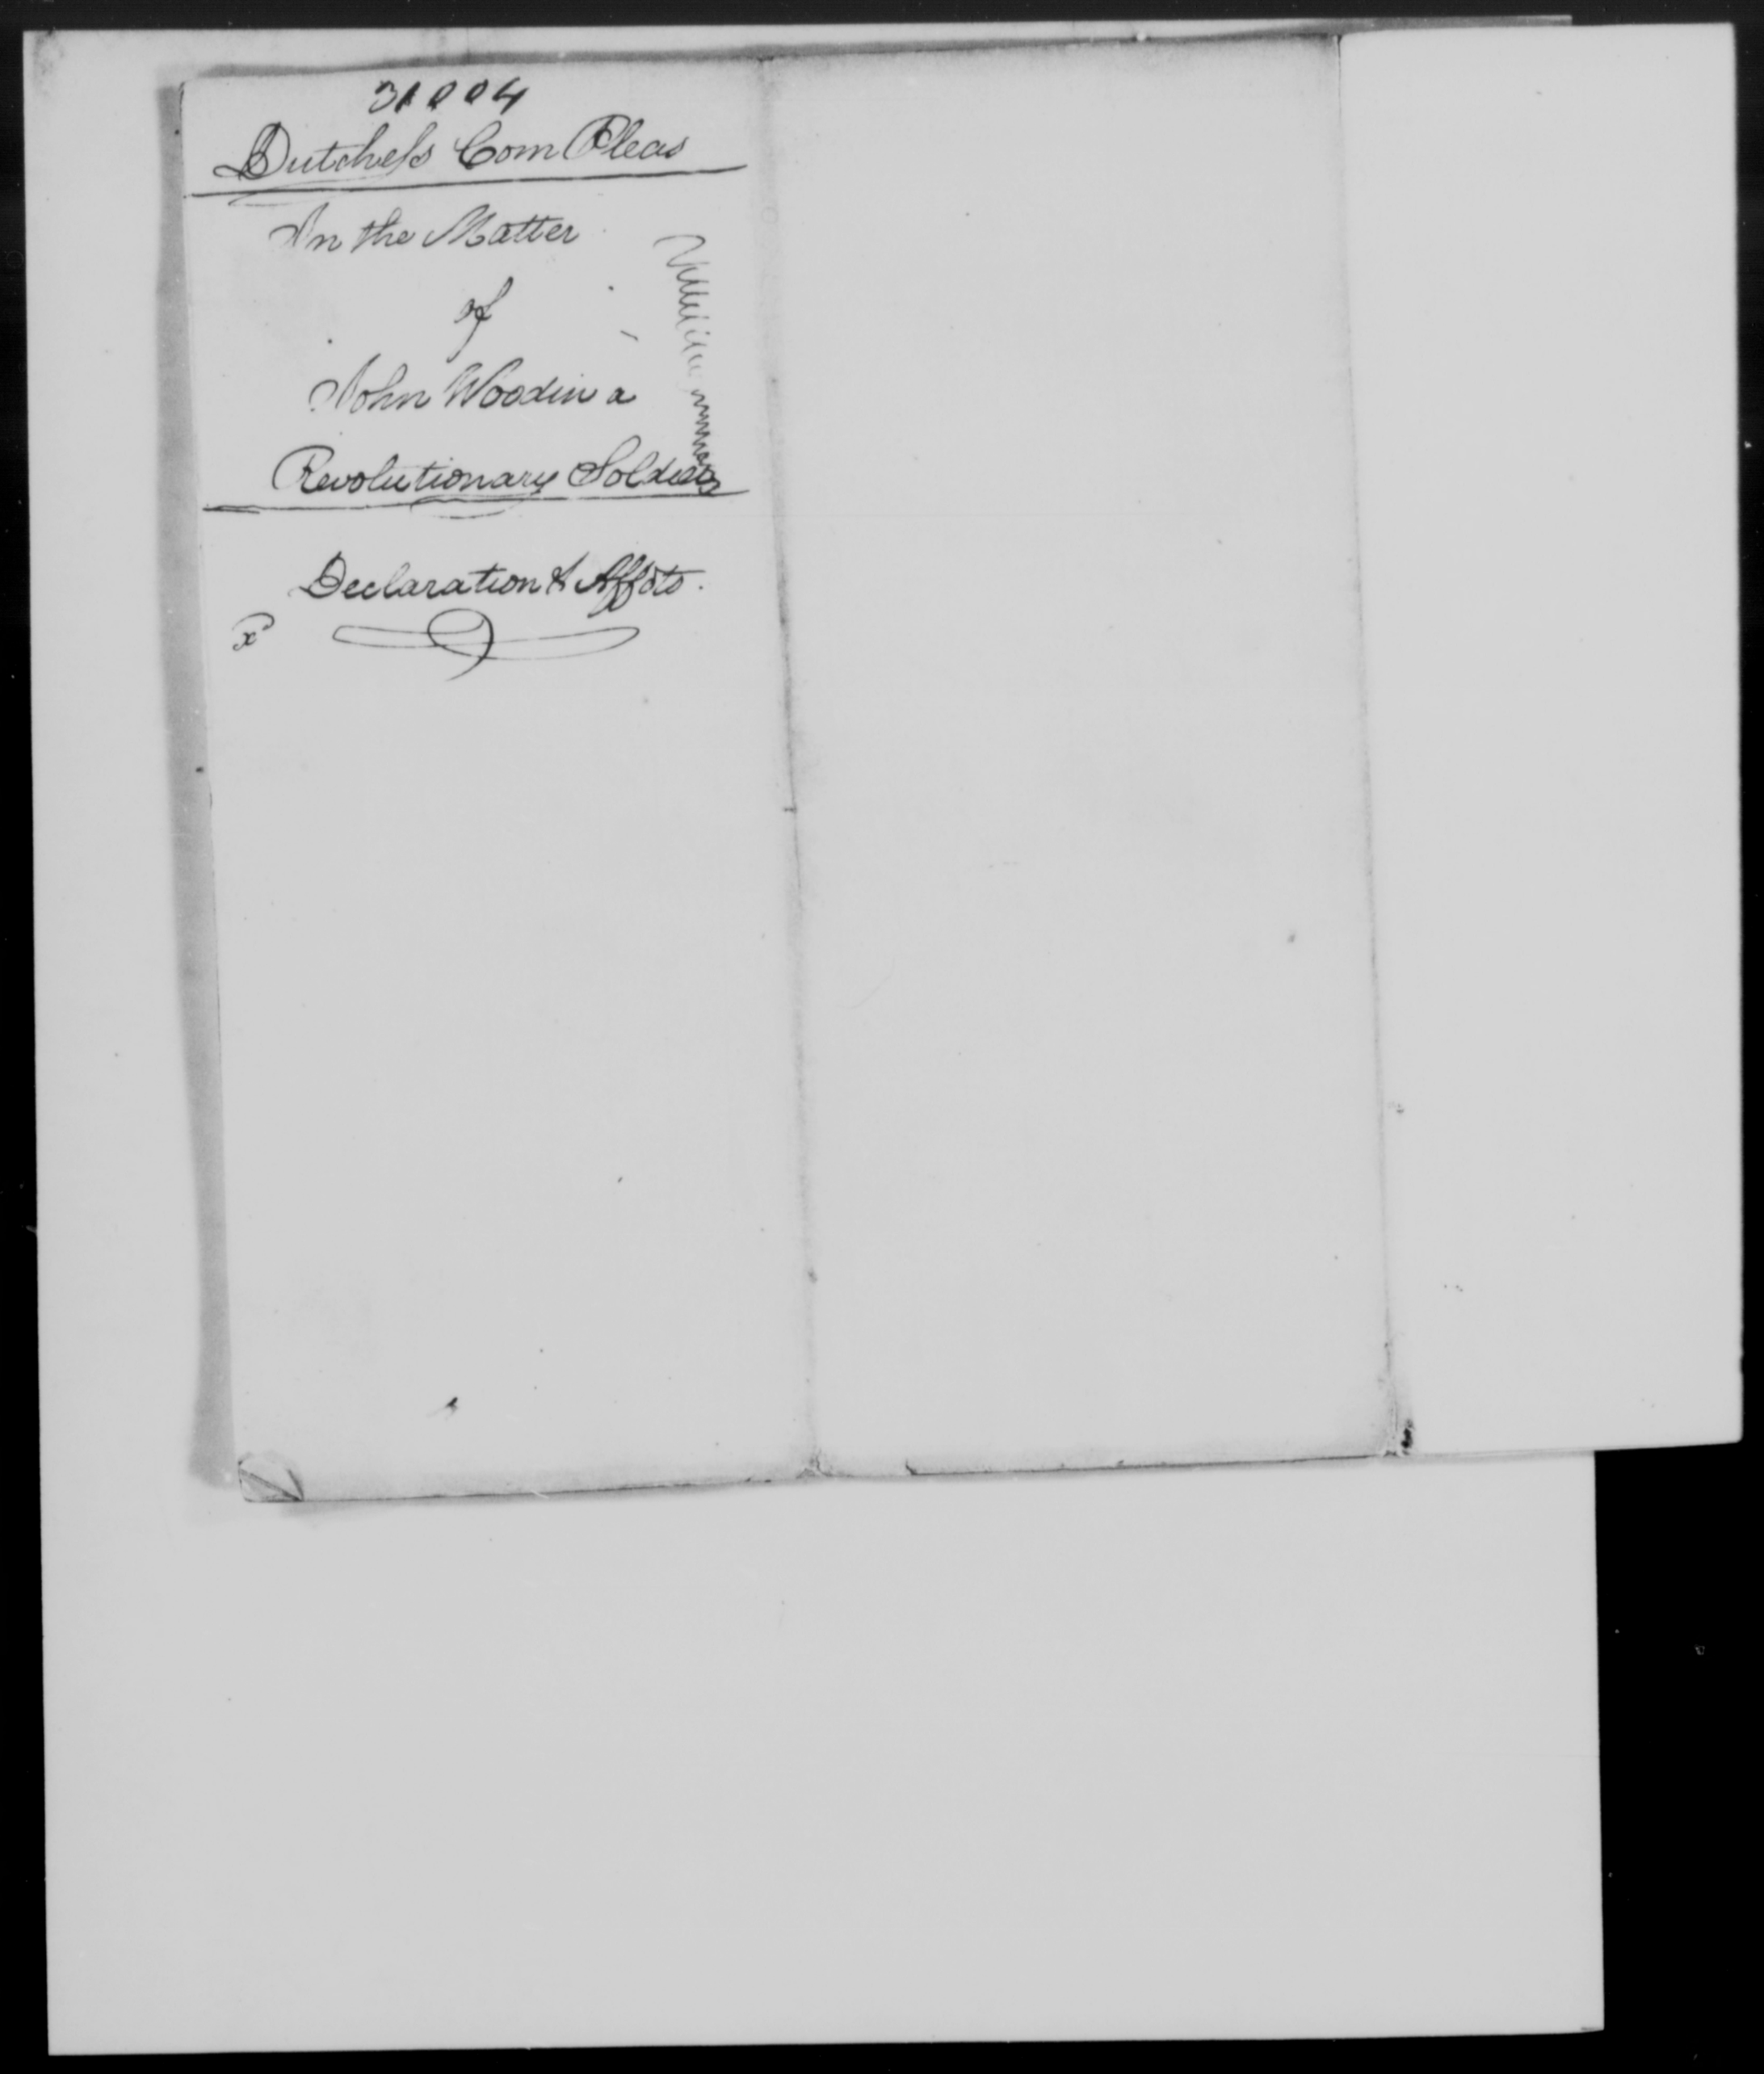31004
Dutchess Com Pleas
In the Matter
of
John Woodin a
Revolutionary Soldier
Declaration & Affdts.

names: John Woodin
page: 39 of 77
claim: widow's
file: W. 19658, John Woodin, New York